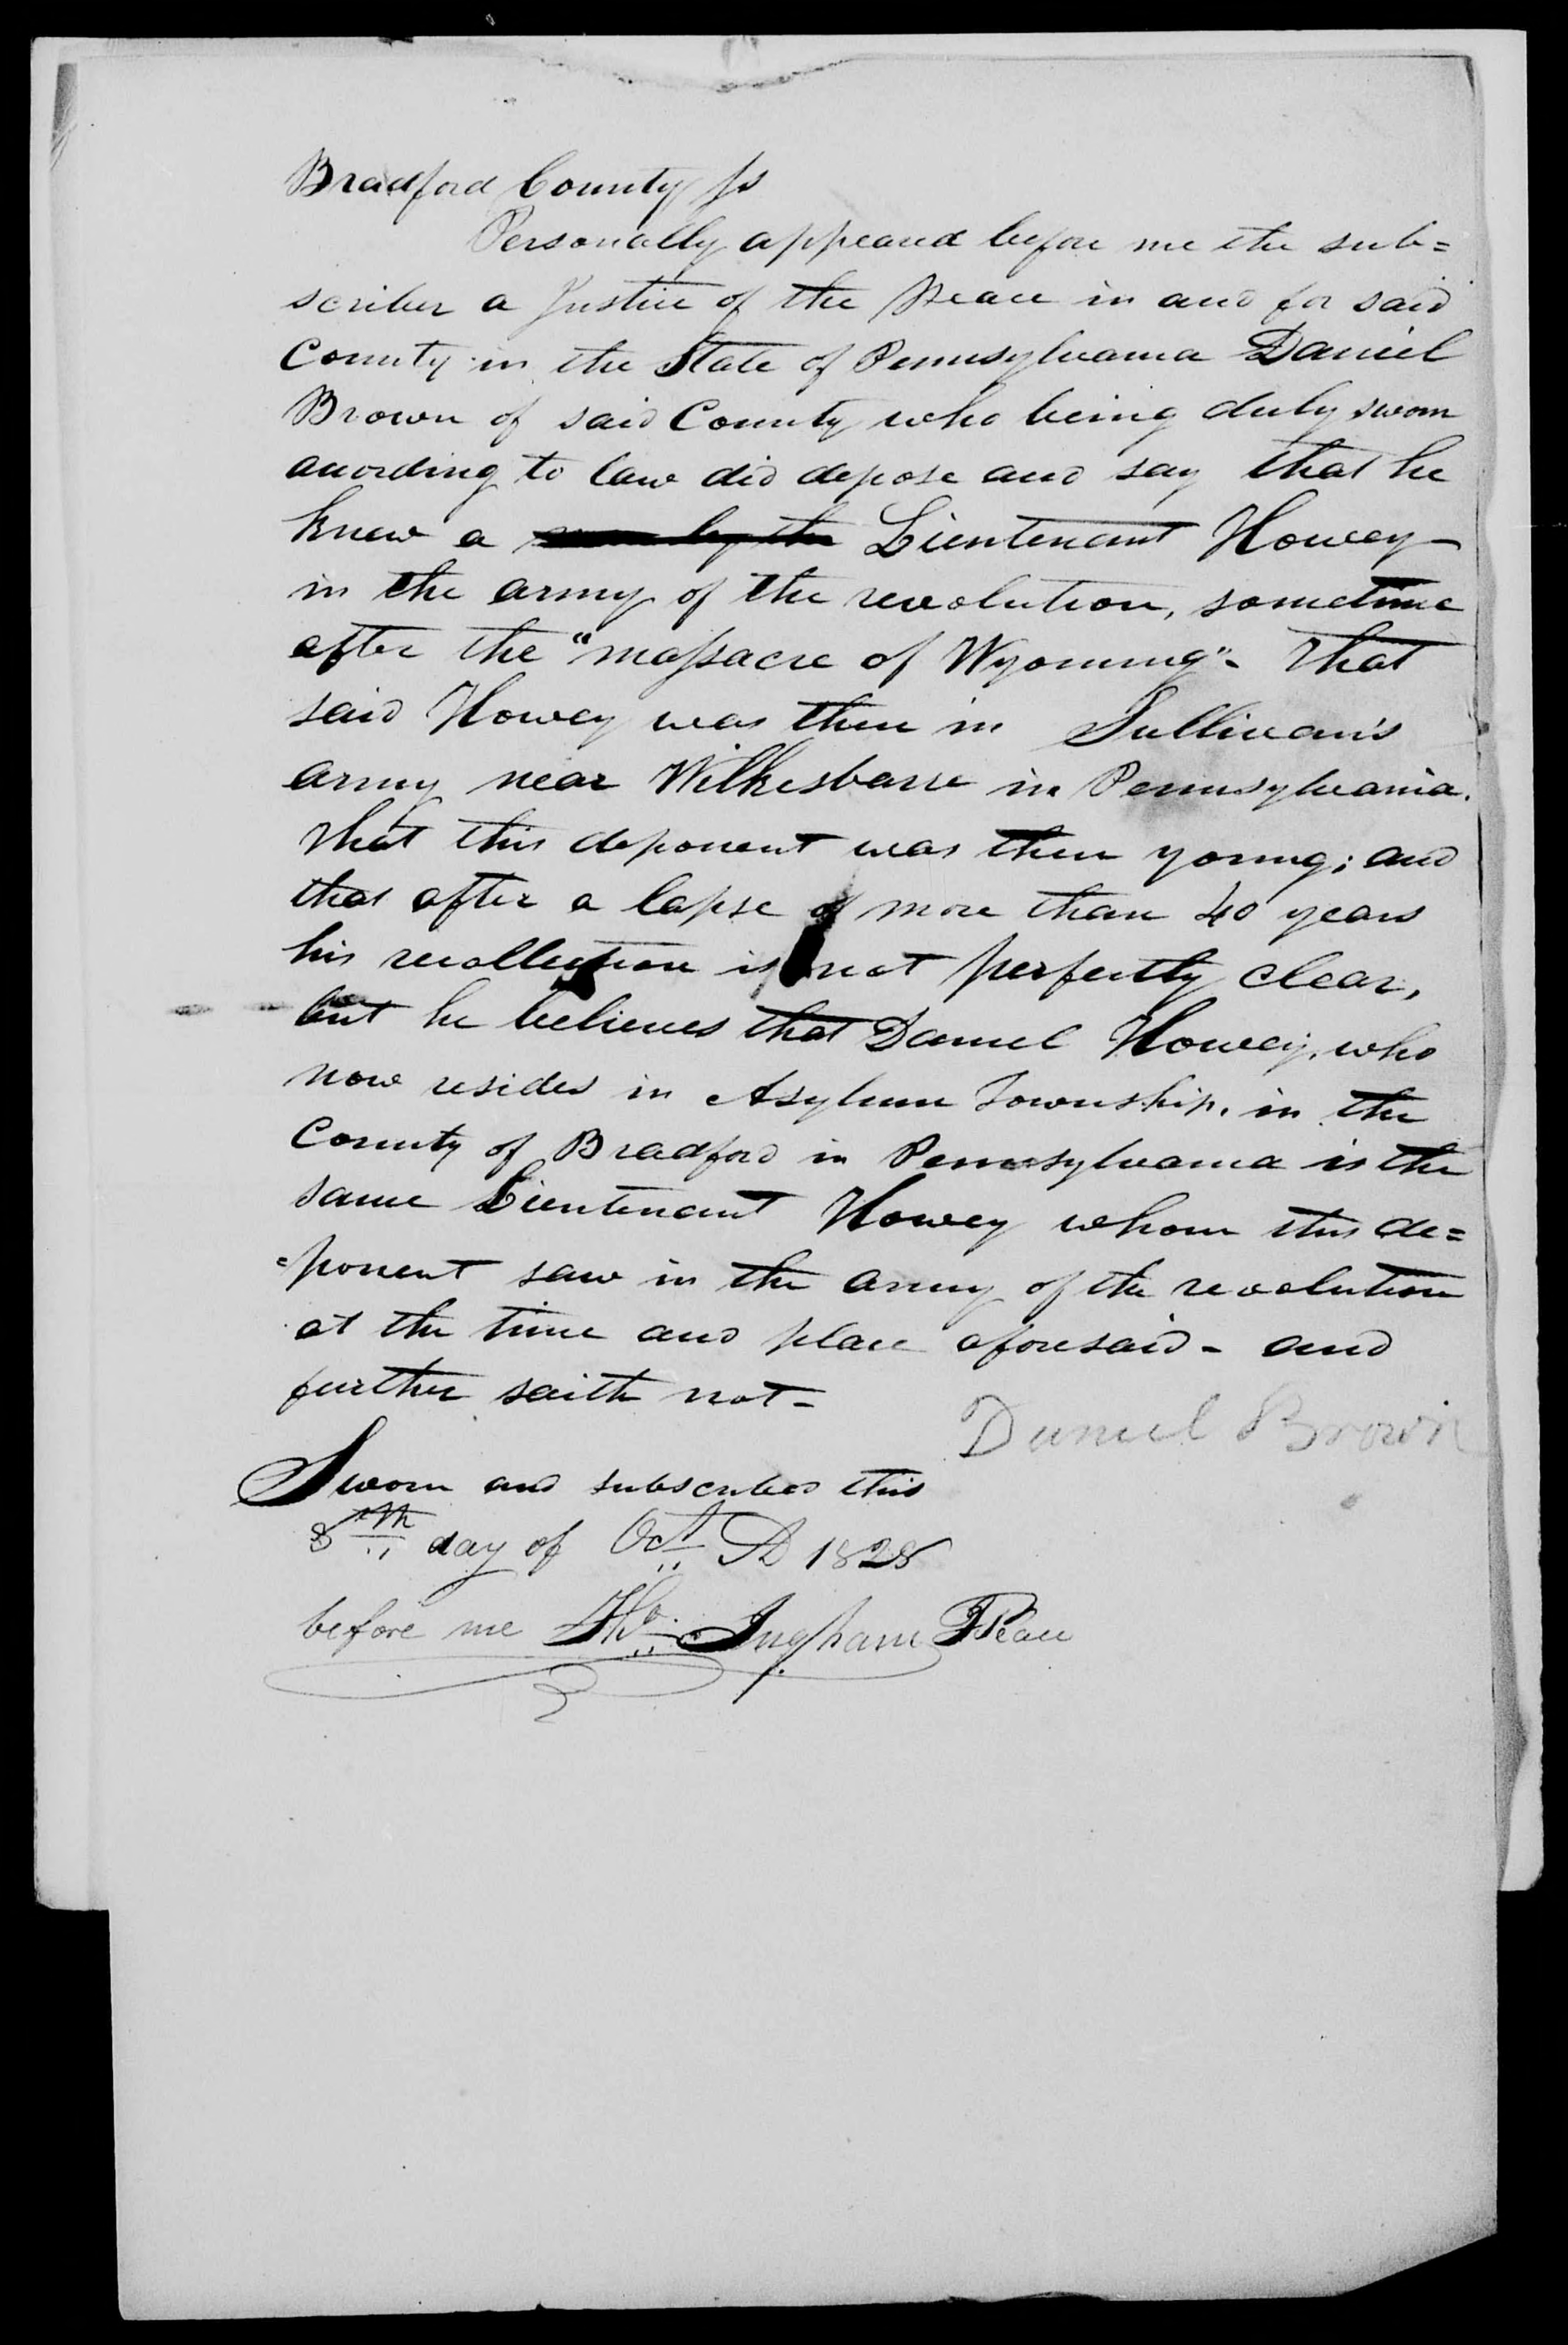Bradford County P
Personally appeared before me the subscriber a Justice of the Peace in and for said County in the State of Pennsylvania - Daniel Brown of said County who being duly sworn according to law did depose and say that he knew a Lieutenant Howey in the army of the revolution, sometime after the "massacre of Wyoming". That said Howey was then in Sullivan's Army near Wilkesbarre in Pennsylvania. That this deponent was then young; and that after a lapse of more than 40 years his recollection is not perfectly clear, but he believes that Daniel Howey who now resides in Asylum Township, in the County of Bradford in Pennsylvania is the same Lieutenant Howey whom this deponent saw in the army of the revolution at the time and place aforesaid. And further saith not. [signed] Daniel Brown

Sworn and subscribed this 8th day of Oct AD 1828 before me, Tho. Ingham J Peace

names: Daniel Brown, Daniel Howey, Tho Ingham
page: 17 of 25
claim: rejected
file: R. 5190, Daniel Howey, New Jersey New York